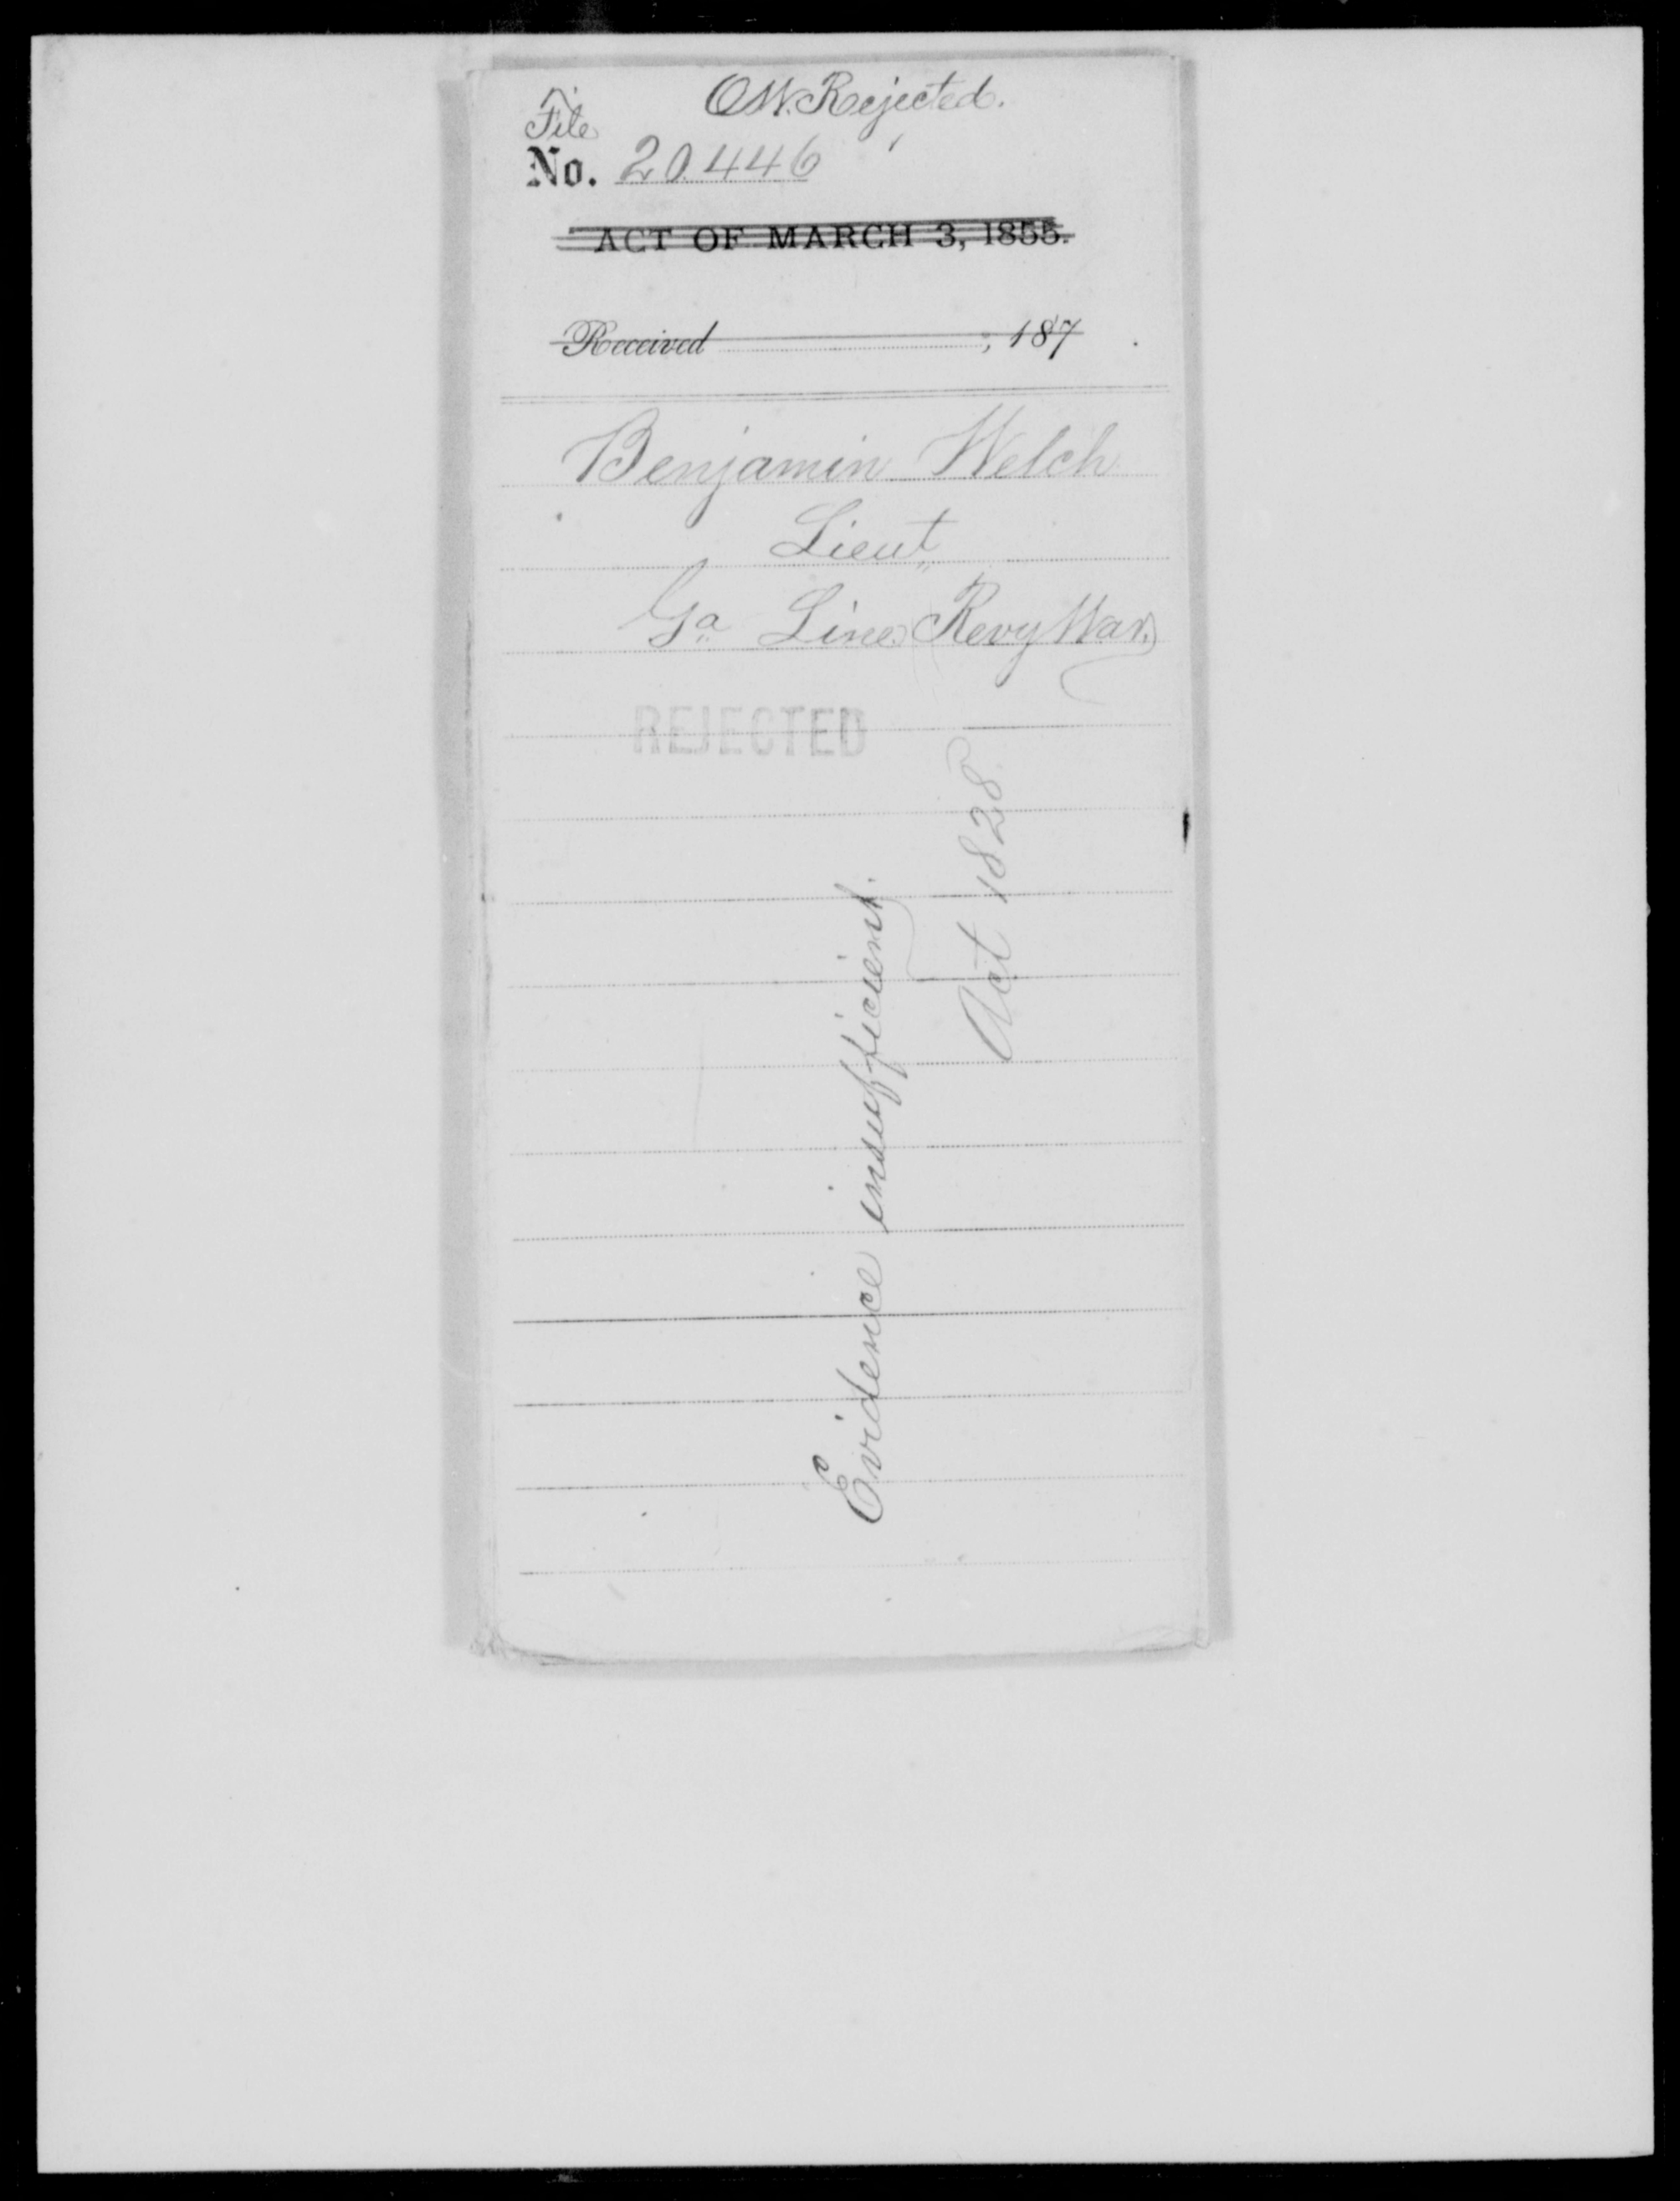File 20446
Benjamin Welch
Lieut
Ga Line Revy War
Rejected 
Evidence Rejected 
Act 1828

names: Benjamin Welch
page: 5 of 23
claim: rejected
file: R. 20,446, Benjamin Welch, Ga.